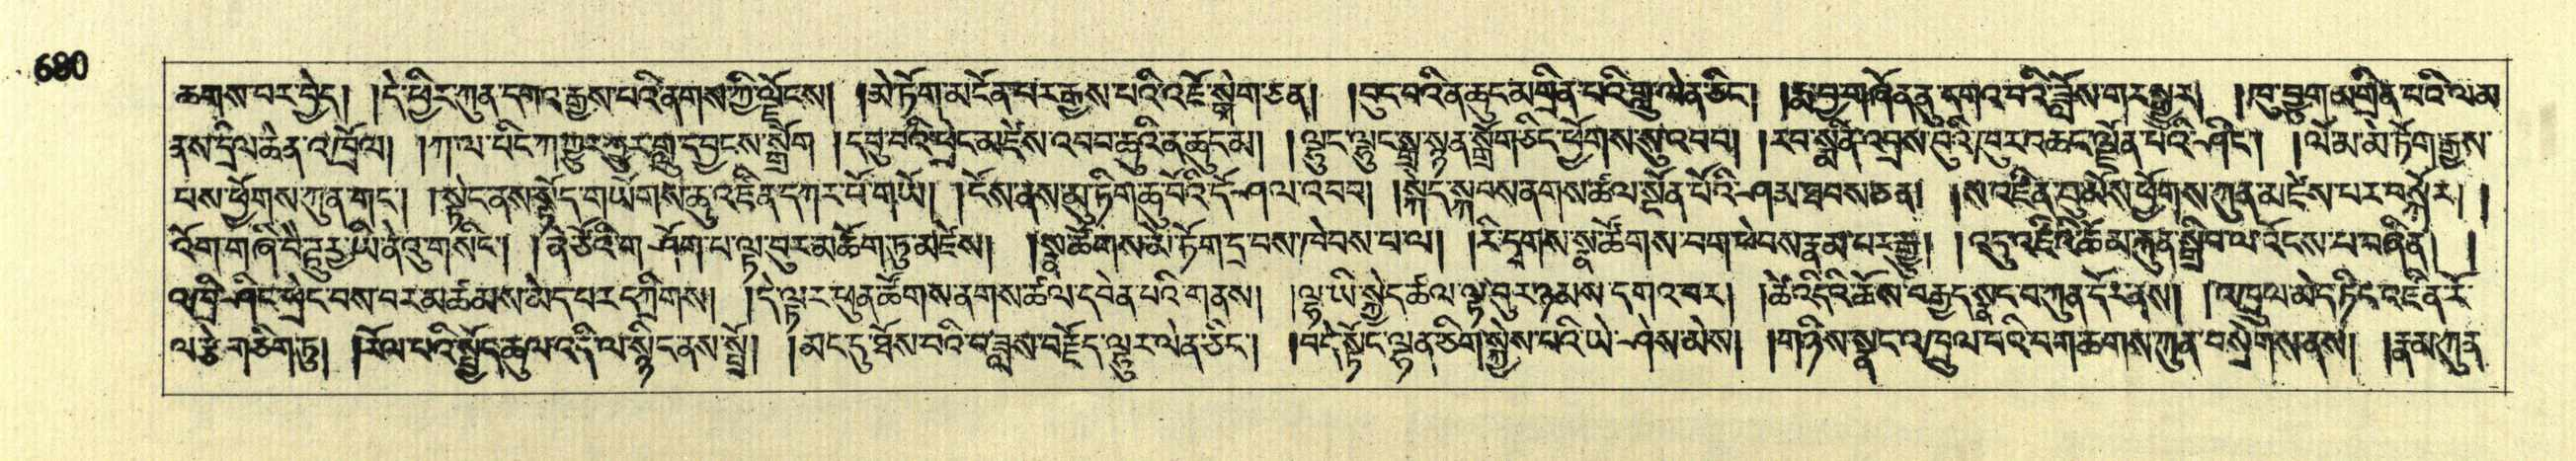ཆགས་པར་བྱེད། །དེ་ཕྱིར་ཀུན་དགའ་རྒྱས་པའི་ནགས་ཀྱི་ལྗོངས། །མེ་ཏོག་མངོན་པར་རྒྱས་པའི་འཇོ་སྒེག་ཅན། །བུང་བའི་ན་ཆུང་མགྲིན་པའི་གླུ་ལེན་ཅིང་། །རྨ་བྱ་གཞོན་ནུ་དགའ་བའི་ཟློས་གར་སྒྱུར། །ཁུ་བྱུག་མགྲིན་པའི་ལམ་
ནས་དྲིལ་ཆེན་འཁྲོལ། །ཀ་ལ་པིང་ཀ་ཀྱུར་ཀྱུར་གླུ་དབྱངས་སྒྲོག། །དབུ་བའི་ཕྲེང་མཛེས་འབབ་ཆུའི་ན་ཆུང་མ། །ལྷུང་ལྷུང་སྒྲ་སྙན་སྒྲོག་ཅིང་ཕྱོགས་སུ་འབབ། །རབ་སྨིན་འབྲས་བུའི་ཁུར་འཆང་ལྗོན་པའི་ཤིང་། །ལོ་མ་མེ་ཏོག་རྒྱས་
པས་ཕྱོགས་ཀུན་གང་། །སྟེང་ནས་སྟོད་གཡོགས་ཆུ་འཛིན་དཀར་པོ་གཡོ། །ངོས་ནས་མུ་ཏིག་ཆུ་བོའི་དོ་ཤལ་འབབ། །སྐད་སྐབས་ནགས་ཚལ་སྔོན་པོའི་ཤམ་ཐབས་ཅན། །ས་འཛིན་བུ་མོས་ཕྱོགས་ཀུན་མཛེས་པར་བསྐོར།།
འོག་གཞི་བཻ་ཌཱུརྱ་ཡི་ནེའུ་གསིང་། །ནེ་ཙོའི་གཤོག་པ་ལྟ་བུར་མཆོག་ཏུ་མཛེས། །སྣ་ཚོགས་མེ་ཏོག་དྲ་བས་ཁེབས་པ་ལ། །རི་དྭགས་སྣ་ཚོགས་བག་ཕེབས་རྣམ་པར་རྒྱུ། །འདུ་འཛིའི་ཆོམ་རྐུན་སྒྲིབ་ལ་འོངས་པ་བཞིན། །
འཁྲི་ཤིང་ཕྲེང་བས་བར་མཚམས་མེད་པར་དཀྲིགས། །དེ་ལྟར་ཕུན་ཚོགས་ནགས་ཚལ་དབེན་པའི་གནས། །ལྷ་ཡི་སྐྱེད་ཚལ་ལྟ་བུར་ཉམས་དགའ་བར། །ཚེ་འདིའི་ཆོས་བརྒྱད་སྣང་བ་ཀུན་དོར་ནས། །འཁྲུལ་མེད་ཏིང་འཛིན་རོ་
ལ་རྩེ་གཅིག་ཏུ། །རོལ་པའི་སྤྱོད་ཚུལ་འདི་ལ་སྙིང་ནས་སྤྲོ། །མང་དུ་ཐོས་པའི་བཟླས་བརྗོད་ལྷུར་ལེན་ཅིང་། །བདེ་སྟོང་ལྷན་ཅིག་སྐྱེས་པའི་ཡེ་ཤེས་མེས། །གཉིས་སྣང་འཁྲུལ་བའི་བག་ཆགས་ཀུན་བསྲེགས་ནས། །རྣམ་ཀུན་